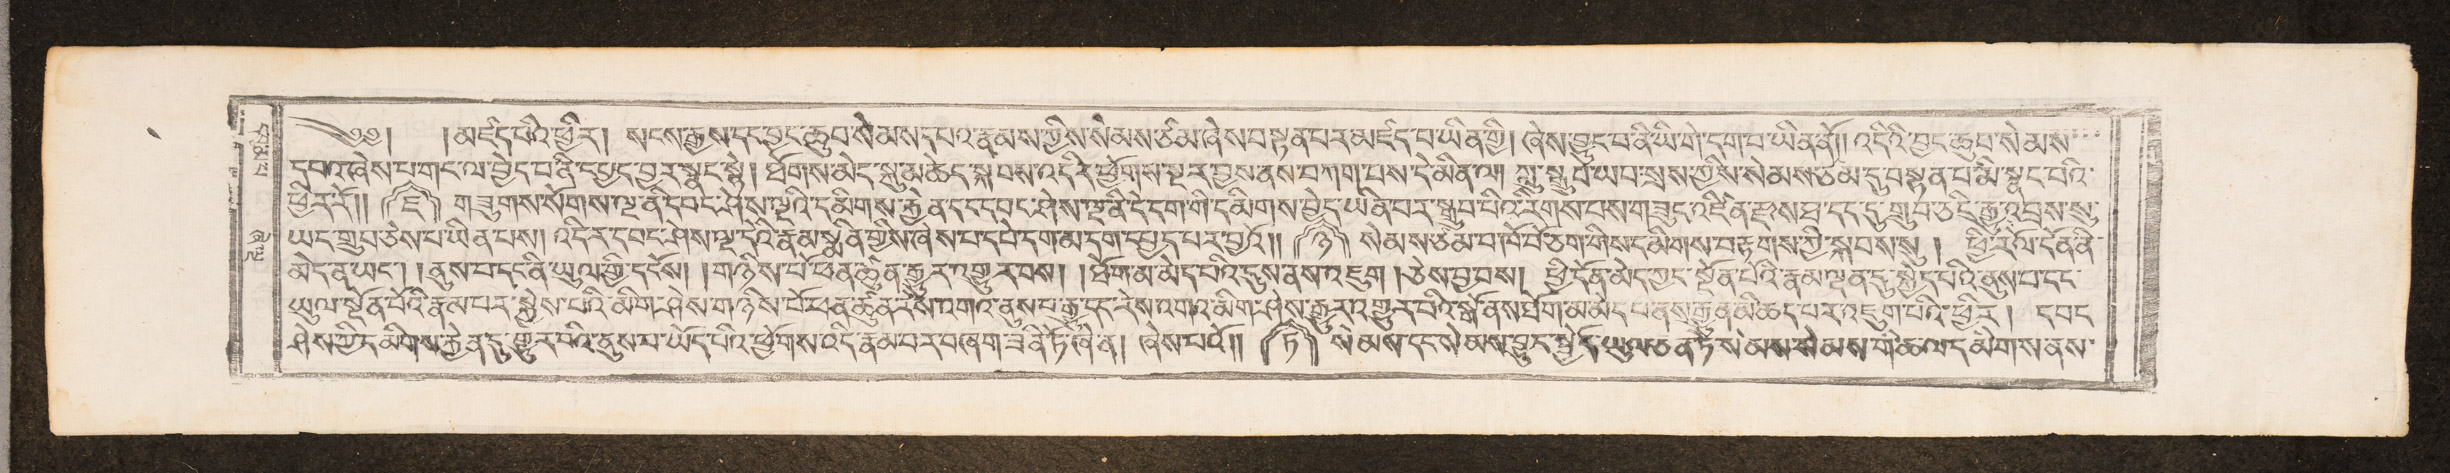༄༅། །མཛད་པའི་ཕྱིར། སངས་རྒྱས་དང་བྱང་ཆུབ་སེམས་དཔའ་རྣམས་ཀྱིས་སེམས་ཙམ་ཞེས་བསྟན་པར་མཛད་པ་ཡིན་གྱི། ཞེས་བྱུང་བ་ནི་ཡི་གེ་དག་པ་ཡིན་ནོ།། འདིའི་བྱུང་ཆུབ་སེམས་
དཔའ་ཞེས་པ་གང་ལ་བྱེད་བ་ནི་དཔྱད་བྱར་སྣང་སྟེ། ཐོགས་མེད་སྐུ་མཆེད་སྐབས་འདིར་ཕྱོགས་སྔར་བྱས་ནས་བཀག་པས་དེ་མིན་ལ། ཀླུ་སྒྲུབ་ཡབ་སྲས་ཀྱིས་སེམས་ཙམ་དུ་བསྟན་པ་མི་སྣང་བའི་
ཕྱིར་རོ།། ༼༽ཇ༼༽ གཟུགས་སོགས་ལྔ་ནི་དབང་ཤེས་ལྔའི་དམིགས་རྐྱེན་དང་དབང་ཤེས་ལྔ་ནི་དེ་དག་གི་དམིགས་བྱེད་ཡིན་པར་སྒྲུབ་པའི་རིགས་པས་གཟུང་འཛིན་རྫས་ཐ་དད་དུ་གྲུབ་ཅིང་རྒྱུ་འབྲས་སུ་
ཡང་གྲུབ་ཅེས་པ་ཡིན་པས། འདིར་དབང་ཤེས་ལྔ་དེའི་རྣམ་སྨིན་གྱིས་ཞེས་པ་དཔེ་དག་མ་དག་དཔྱད་པར་བྱའོ།། ༼༽ཉ༼༽ སེམས་ཙམ་པ་ཁོ་བོ་ཅག་གིས་དམིགས་བརྟགས་ཀྱི་སྐབས་སུ་། ཕྱིར་རོལ་དོན་ནི་
མེད་ན་ཡང་། །ནུས་པ་དང་ནི་ཡུལ་གྱི་དངོས། །གཉིས་པོ་ཕན་ཚུན་རྒྱུར་འགྱུར་བས། །ཐོག་མ་མེད་པའི་དུས་ནས་འཇུག །ཅེས་བྱ་བས། ཕྱི་དོན་མེད་ཀྱང་སྔོན་པོའི་རྣམ་ལྡན་དུ་སྐྱེད་པའི་ནུས་པ་དང་
ཡུལ་སྔོན་པོའི་རྣམ་པར་སྐྱེས་པའི་མིག་ཤེས་གཉིས་པོ་ཕན་ཚུན་རེས་འགའ་ནུས་པ་རྒྱུ་དང་རེས་འགའ་མིག་ཤེས་རྒྱུར་འགྱུར་བའི་སྒོ་ནས་ཐོག་མ་མེད་པ་ནས་རྒྱུན་མི་ཆད་པར་འཇུག་པའི་ཕྱིར། དབང་
ཤེས་ཀྱི་དམིགས་རྐྱེན་དུ་གྱུར་བའི་ནུས་པ་ཡོད་པའི་ཕྱོགས་འདི་རྣམ་པར་བཞག་ཟིན་ཏོ་ཞེ་ན། ཞེས་པའོ།། ༼༽ཏ༼༽ སེམས་དང་སེམས་བྱུང་སྦྱོད་ཡུལ་ཅན་ཏེ་སེམས་སེམས་གི་ཆ་ལ་དམིགས་ནས་